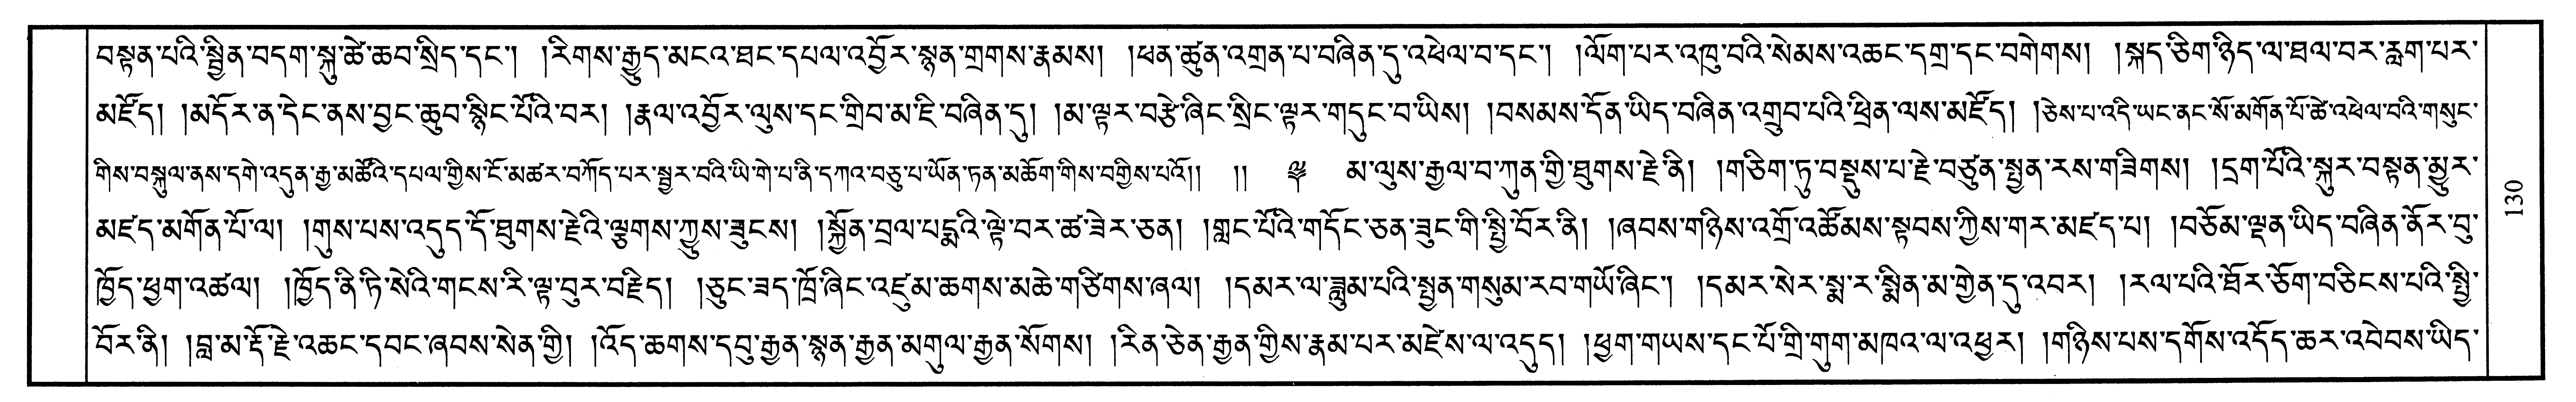བསྟན་པའི་སྦྱིན་བདག་སྐུ་ཚེ་ཆབ་སྲིད་དང་། །རིགས་རྒྱུད་མངའ་ཐང་དཔལ་འབྱོར་སྙན་གྲགས་རྣམས། །ཕན་ཚུན་འགྲན་པ་བཞིན་དུ་འཕེལ་བ་དང་། །ལོག་པར་འཁུ་བའི་སེམས་འཆང་དགྲ་དང་བགེགས། །སྐད་ཅིག་ཉིད་ལ་ཐལ་བར་རླག་པར་
མཛོད། །མདོར་ན་དེང་ནས་བྱང་ཆུབ་སྙིང་པོའི་བར། །རྣལ་འབྱོར་ལུས་དང་གྲིབ་མ་ཇི་བཞིན་དུ། །མ་ལྟར་བརྩེ་ཞིང་སྲིང་ལྟར་གདུང་བ་ཡིས། །བསམས་དོན་ཡིད་བཞིན་འགྲུབ་པའི་ཕྲིན་ལས་མཛོད། །ཅེས་པ་འདི་ཡང་ནང་སོ་མགོན་པོ་ཚེ་འཕེལ་བའི་གསུང་
གིས་བསྐུལ་ནས་དགེ་འདུན་རྒྱ་མཚོའི་དཔལ་གྱིས་ངོ་མཚར་བཀོད་པར་སྦྱར་བའི་ཡི་གེ་པ་ནི་དཀའ་བཅུ་པ་ཡོན་ཏན་མཆོག་གིས་བགྱིས་པའོ།། །། ༈ མ་ལུས་རྒྱལ་བ་ཀུན་གྱི་ཐུགས་རྗེ་ནི། །གཅིག་ཏུ་བསྡུས་པ་རྗེ་བཙུན་སྤྱན་རས་གཟིགས། །དྲག་པོའི་སྐུར་བསྟན་མྱུར་
མཛད་མགོན་པོ་ལ། །གུས་པས་འདུད་དོ་ཐུགས་རྗེའི་ལྕགས་ཀྱུས་ཟུངས། །སྐྱོན་བྲལ་པདམའི་ལྟེ་བར་ཚ་ཟེར་ཅན། །གླང་པོའི་གདོང་ཅན་ཟུང་གི་སྤྱི་བོར་ནི། །ཞབས་གཉིས་འགྲོ་འཚོམས་སྟབས་ཀྱིས་གར་མཛད་པ། །བཅོམ་ལྡན་ཡིད་བཞིན་ནོར་བུ་
ཁྱོད་ཕྱག་འཚལ། །ཁྱོད་ནི་ཏི་སེའི་གངས་རི་ལྟ་བུར་བརྗིད། །ཅུང་ཟད་ཁྲོ་ཞིང་འཛུམ་ཆགས་མཆེ་གཙིགས་ཞལ། །དམར་ལ་ཟླུམ་པའི་སྤྱན་གསུམ་རབ་གཡོ་ཞིང་། །དམར་སེར་སྨ་ར་སྨིན་མ་གྱེན་དུ་འབར། །རལ་པའི་ཐོར་ཅོག་བཅིངས་པའི་སྤྱི་
བོར་ནི། །བླ་མ་རོ་རྗེ་འཆང་དབང་ཞབས་སེན་གྱི། །འོད་ཆགས་དབུ་རྒྱན་རྒྱན་སྙན་རྒྱན་མགུལ་རྒྱན་སོགས། །རིན་ཅེན་རྒྱན་གྱིས་རྣམ་པར་མཛེས་ལ་འདུད། །ཕྱག་གཡས་དང་པོ་གྲི་གུག་མཁའ་ལ་འཕྱར། །གཉིས་པས་དགོས་འདོད་ཆར་འབེབས་ཡིད་